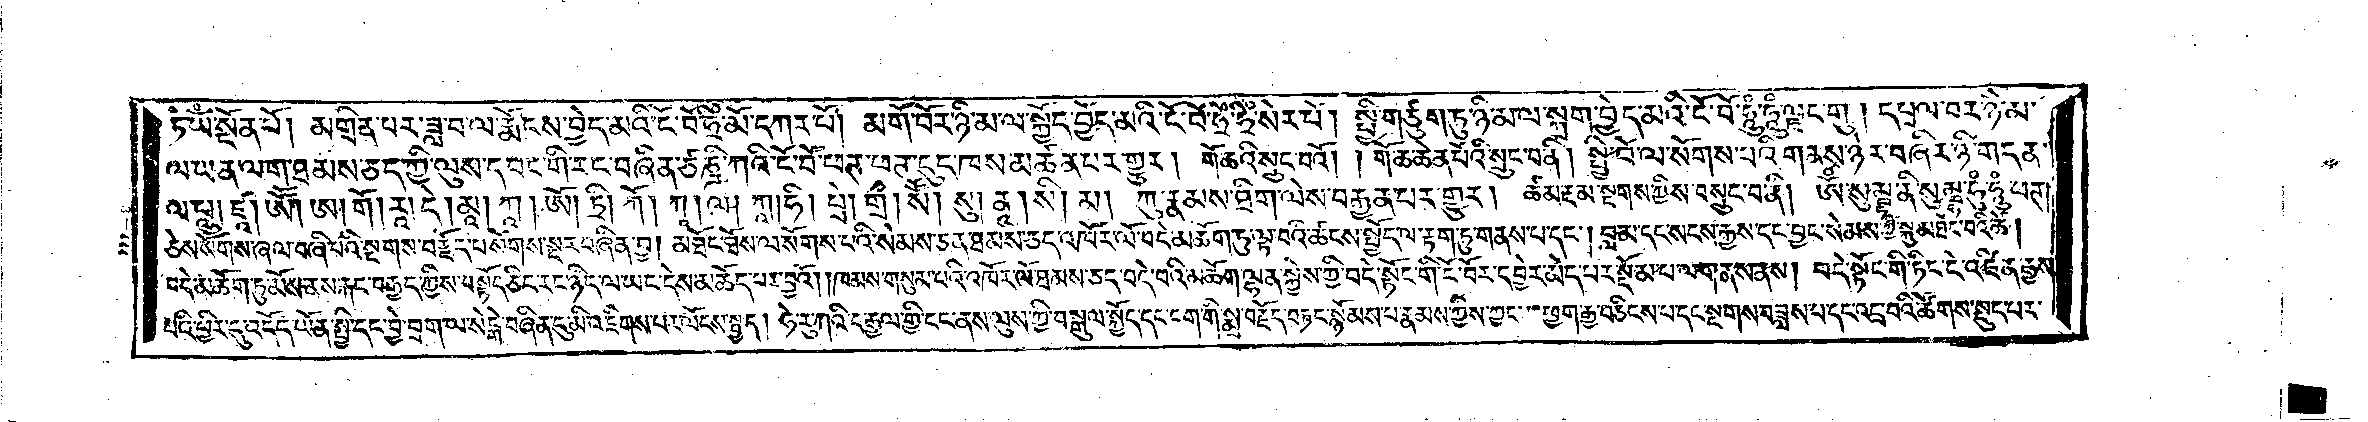ཏཾ་ཡོཾ་སྔོན་པོ། མགྲིན་པར་ཟླ་བ་ལ་རྨོངས་བྱེད་མའི་ངོ་བོ་ཧྲིཾ་མོ་དཀར་པོ། མགོ་བོར་ཉི་མ་ལ་སྐྱོད་བྱོད་མའི་ངོ་བོ་ཧྲིཾ་ཧྲིཾ་སེར་པོ། སྤྱི་གཙུག་ཏུ་ཉི་མ་ལ་སྐྲག་བྱེད་མའི་ངོ་བོ་ཧཱུཾ་ཧཱུཾ་ལྗང་གུ །དཔྲལ་བར་ཉི་མ་
ལ་ཡན་ལག་ཐམས་ཅད་ཀྱི་ལུས་དབང་གི་རང་བཞིན་ཙཎྜི་ཀའི་ངོ་བོ་ཕཊ་དུང་ཁས་མཚན་པར་གྱུར། གོ་ཆའི་སྲུང་བའོ། །གོ་ཆ་ཆེན་པོའི་སྲུང་བ་ནི། སྤྱི་བོ་ལ་སོགས་པའི་གནས་ཉེར་བཞིར་ཉི་གདན་
ལ་པཱུ། ཛཱ། ཨཽ། ཨ། གོ། རཱ། དེ་།མཱ། ཀཱ །ཨོ། ཏྲི། ཀོ། ཀ། ལ། ཀཱ། ཧི། པྲེ། གྲྀ། སཽ། སུ། ནཱ། སི། མ། ཀུ་རྣམས་ཐིག་ལེས་བརྒྱན་པར་གྱུར། ཚམ་རྔམ་སྔགས་ཀྱིས་བསྲུང་བ་ནི།  ཨོཾ་སུམྦྷ་ནི་སུམྦྷ་ཧུཾ་ཧཱུཾ་ཕཊ།
ཅེས་སོགས་ཞལ་བཞི་པའི་སྔགས་བརྗོད་པ་སོགས་སྔར་བཞིན་བྱ། མཐོང་ཐོས་ལ་སོགས་པའི་སེམས་ཅན་ཐམས་ཅད་འཁོར་ལོ་བདེ་མཆོག་ཏུ་ལྟ་བའི་ཚངས་སྤྱོད་ལ་རྟག་ཏུ་གནས་པ་དང་། བླ་མ་དང་སངས་རྒྱས་དང་བྱང་སེམས་ཀྱི་སྐུ་མཐོང་བའི་ཚེ།
བདེ་མཆོག་ཏུ་མོས་ནས་རྐང་བརྒྱད་ཀྱིས་བསྟོད་ཅིང་རང་ཉིད་ལ་ཡང་དེས་མཆོད་པར་བྱའོ། །ཁམས་གསུམ་པའི་འཁོར་ལོ་ཐམས་ཅད་བདེ་བའི་མཆོག་ལྷན་སྐྱེས་ཀྱི་བདེ་སྟོང་གི་ངོ་བོར་དབྱེར་མེད་པར་སྡོམ་པ་ལག་ནས་ནས། བདེ་སྟོང་གི་ཏིང་ངེ་འཛིན་རྒྱས་
པའི་ཕྱིར་དུ་འདོད་ཡོན་སྤྱི་དང་བྱེ་བྲག་ལ་སེངྒེ་བཞིན་དུ་མི་འཇིགས་པར་ལོངས་སྦྱད། ཧེ་རུ་ཀའི་ང་རྒྱལ་གྱི་ངང་ནས་ལུས་ཀྱི་བསྒུལ་སྐྱོད་དང་ངག་གི་སྨྲ་བརྗོད་བཏང་སྙོམས་པ་རྣམས་ཀྱིས་ཀྱང་ཕྱག་རྒྱ་བཅིངས་པ་དང་སྔགས་བཟླས་པ་དང་འདྲ་བའི་ཆོགས་སྡུད་པར་